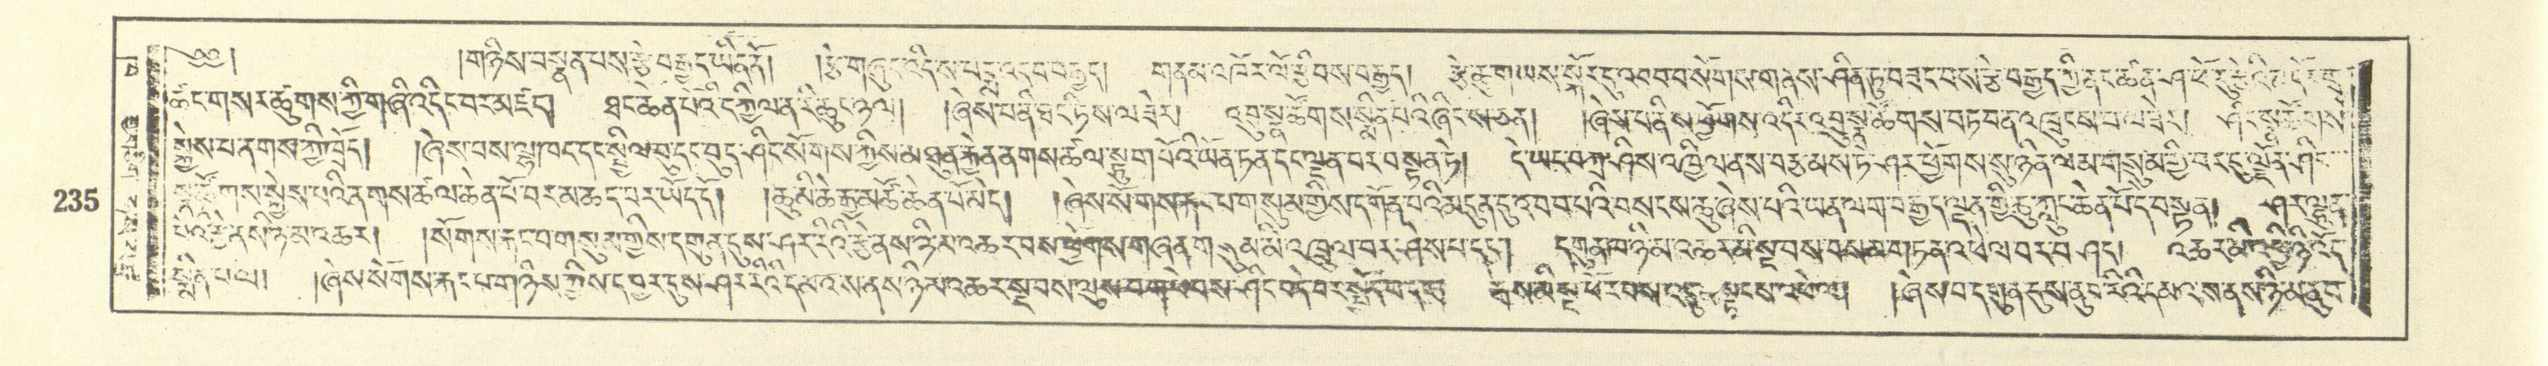༄༅། །གཉིས་བསྣན་པས་རྩེ་བརྒྱད་ཡིན་ནོ། །རྩེ་གཞུང་འདི་ས་པདམ་འདབ་བརྒྱད། གནམ་འཁོར་ལོ་རྩིབས་བརྒྱད། རྩེ་ཆུ་གཡས་སྐོར་དུ་འབབ་བོ་སོགས་གནས་ཤིན་ཏུ་བཟང་བས་རྩེ་བརྒྱད་ཀྱི་ནང་ཚན་ཤ་ཕོ་རུ་རྩེའི་མདོར་གྲྭ་
ཚང་གསར་ཚུགས་ཀྱི་གཞི་འདིང་བར་མཛད། ཐང་ཆེན་པོའི་དཀྱིལ་ན་རི་ཆུང་ཉལ། །ཞེས་པ་ནི་ཐང་ཏིས་ལ་ཟེར། འབྲུ་སྣ་ཚོགས་སྨིན་པའི་ཞིང་ས་ཅན། །ཞེས་པ་ནི་སྣ་ཕྱོགས་འདིར་འབྲུ་སྣ་ཚོགས་བཏབ་ན་འཁྲུངས་པ་ལ་ཟེར། ཤིང་སྣ་ཚོགས་
སྐྱེས་པ་ནགས་ཀྱི་ཁྲོད། །ཞེས་པས་ལྷ་ཁང་དང་སྤྱིལ་བུ་དང་བུད་ཤིང་སོགས་ཀྱིས་མཐུན་རྐྱེན་ནགས་ཚལ་སྟུག་པོའི་ཡོན་ཏན་དང་ལྡན་བར་བསྟན་ཏེ། དེ་ཡང་བཀྲ་ཤིས་འཁྱིལ་ནས་བརྩམས་ཏེ་ཤར་ཕྱོགས་སུ་ཉིན་ལམ་གསུམ་གྱི་བར་དུ་ལྗོན་ཤིང་
སྣ་ཚོགས་སྐྱེས་པའི་ནགས་ཚལ་ཆེན་པོ་བར་མ་ཆད་པར་ཡོད་དོ། །ཆུ་མི་ཆེ་རྒྱ་མཚོ་ཆེན་པོ་མེད། །ཞེས་སོགས་རྐང་པ་གསུམ་གྱིས་དགོན་པའི་མདུན་དུ་འབབ་པའི་བསངས་ཆུ་ཞེས་པའི་ཡན་ལག་བརྒྱད་ལྡན་གྱི་ཆུ་ཀླུང་ཆེན་པོ་དེ་བསྟན། ཤར་ལྷུན་
པོའི་རྩེ་ནས་ཉི་མ་འཆར། །སོགས་རྐང་པ་གསུམ་གྱིས་དགུན་དུས་ཤར་རིའི་རྩེ་ནས་ཉི་མ་འཆར་བས་ཕྱོགས་གཞན་གསུམ་མི་འཁྲུལ་བར་ཤེས་པ་དང་། དགུན་ཁ་ཉི་མ་འཆར་མི་སྔ་བས་བསམ་གཏན་འཕེལ་བར་བཤད། འཆར་མི་འཕྱི་ཉི་འོད་
སྨིན་པ་ལ། །ཞེས་སོགས་རྐང་པ་གཉིས་ཀྱིས་དབྱར་དུས་ཤར་རིའི་དམའ་ས་ནས་ཉི་མ་འཆར་སྔ་བས་ལུས་བག་ཕེབས་ཤིང་བདེ་བར་སྤྱོད་པ་དང་། རྒས་མི་སྔ་ཕོ་རབས་འདུན་སྟངས་འཕེལ། །ཞེས་པ་དགུན་དུས་ནུབ་རིའི་དམའ་ས་ནས་ཉི་མ་ནུབ་